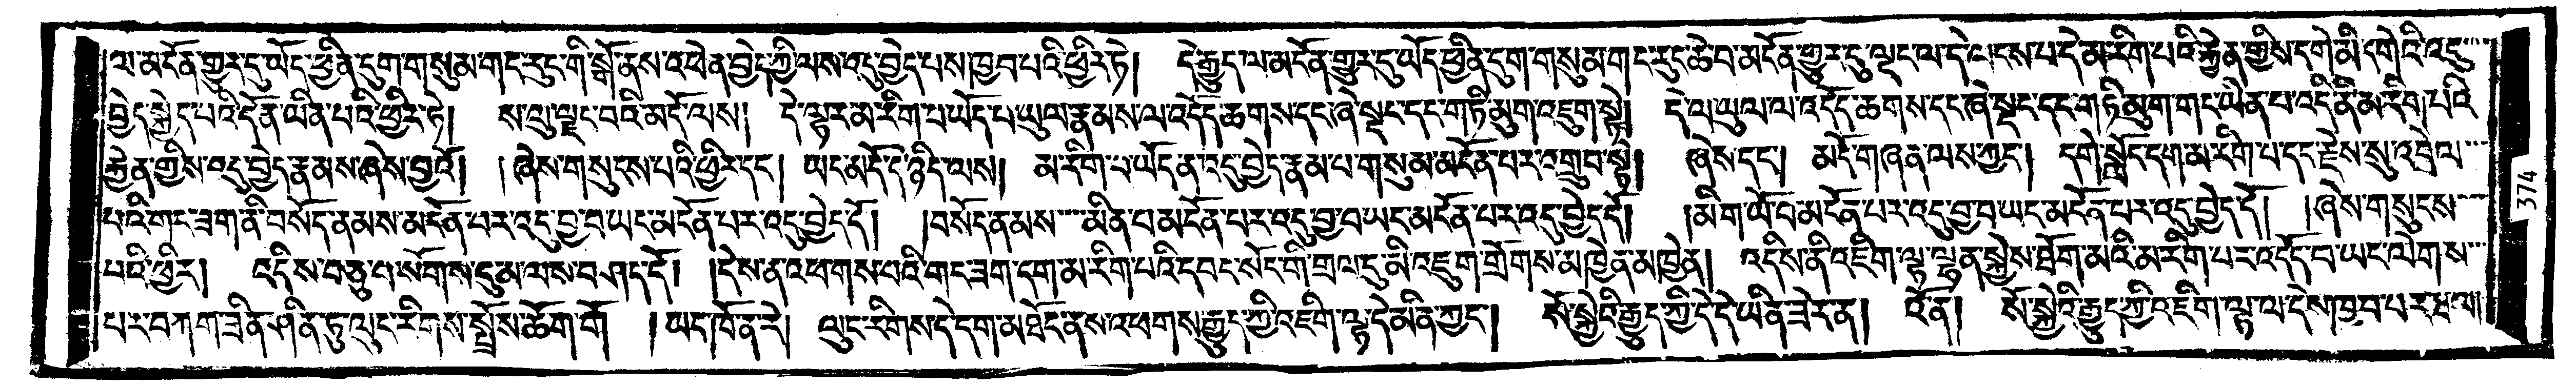ལ་མངོན་གྱུར་དུ་ཡོད་ཕྱིན་དུག་གསུམ་གང་རུང་གི་སྒོ་ནས་འཕེན་བྱེད་ཀྱི་ལས་འདུ་བྱེད་པས་ཁྱབ་པའི་ཕྱིར་ཏེ། དེ་རྒྱུད་ལ་མངོན་གྱུར་དུ་ཡོད་ཕྱིན་དུག་གསུམ་གང་རུང་ཆེ་བ་མངོན་གྱུར་དུ་ལྡང་ལ་དེ་ལངས་པ་དེ་མ་རིག་པའི་རྐྱེན་གྱིས་དགེ་མི་དགེའི་འདུ་
བྱེད་སྐྱེད་པའི་དོན་ཡིན་པའི་ཕྱིར་ཏེ། ས་ལུ་ལྗང་བའི་མདོ་ལས། དེ་ལྟར་མ་རིག་པ་ཡོད་པ་ཡུལ་རྣམས་ལ་འདོད་ཆགས་དང་ཞེ་སྡང་དང་གཏི་མུག་འཇུག་སྟེ། དེ་ལ་ཡུལ་ལ་འདོད་ཆགས་དང་ཞེ་སྡང་དང་གཏི་མུག་གང་ཡིན་པ་འདི་ནི་མ་རིག་པའི་
རྐྱེན་གྱིས་འདུ་བྱེད་རྣམས་ཞེས་བྱའོ། །ཞེས་གསུངས་པའི་ཕྱིར་དང་། ཡང་མདོ་དེ་ཉིད་ལས། མ་རིག་པ་ཡོད་ན་འདུ་བྱེད་རྣམ་པ་གསུམ་མངོན་པར་འགྲུབ་སྟེ། ཞེས་དང་། མདོ་གཞན་ལས་ཀྱང་། དགེ་སློང་དག་མ་རིག་པ་དང་རྗེས་སུ་འབྲེལ་
པའི་གང་ཟག་ནི་བསོད་ནམས་མངོན་པར་འདུ་བྱ་བ་ཡང་མངོན་པར་འདུ་བྱེད་དོ། །བསོད་ནམས་མིན་པ་མངོན་པར་འདུ་བྱ་བ་ཡང་མངོན་པར་འདུ་བྱེད་དོ། །མི་གཡོ་བ་མངོན་པར་འདུ་བྱ་བ་ཡང་མངོན་པར་འདུ་བྱེད་དོ། །ཞེས་གསུངས་
པའི་ཕྱིར། འདིས་བཅུ་བ་སོགས་དུ་མ་ལས་བཤད་དོ། །དེས་ན་འཕགས་པའི་གང་ཟག་དག་མ་རིག་པའི་དབང་སོང་གི་གྲལ་དུ་མི་འཇུག་གྲོགས་མཁྱེན་མཁྱེན། འདིས་ནི་འཇིག་ལྟ་ལྷན་སྐྱེས་ཐོག་མའི་མ་རིག་པར་འདོད་པ་ཡང་ལེགས་
པར་བཀག་ཟིན་ཤིན་ཏུ་ལུང་རིགས་སྤྲོས་ཆོག་གོ །ཡང་ཁོ་ན་རེ། ལུང་རིགས་དེ་དག་མཐོང་ནས་འཕགས་རྒྱུད་ཀྱི་འཇིག་ལྟ་དེ་མིན་ཀྱང་། སོ་སྐྱེའི་རྒྱུད་ཀྱི་དེ་དེ་ཡིན་ཟེར་ན། འོ་ན། སོ་སྐྱེའི་རྒྱུད་ཀྱི་འཇིག་ལྟ་ལ་དེས་ཁྱབ་པར་ཐལ།